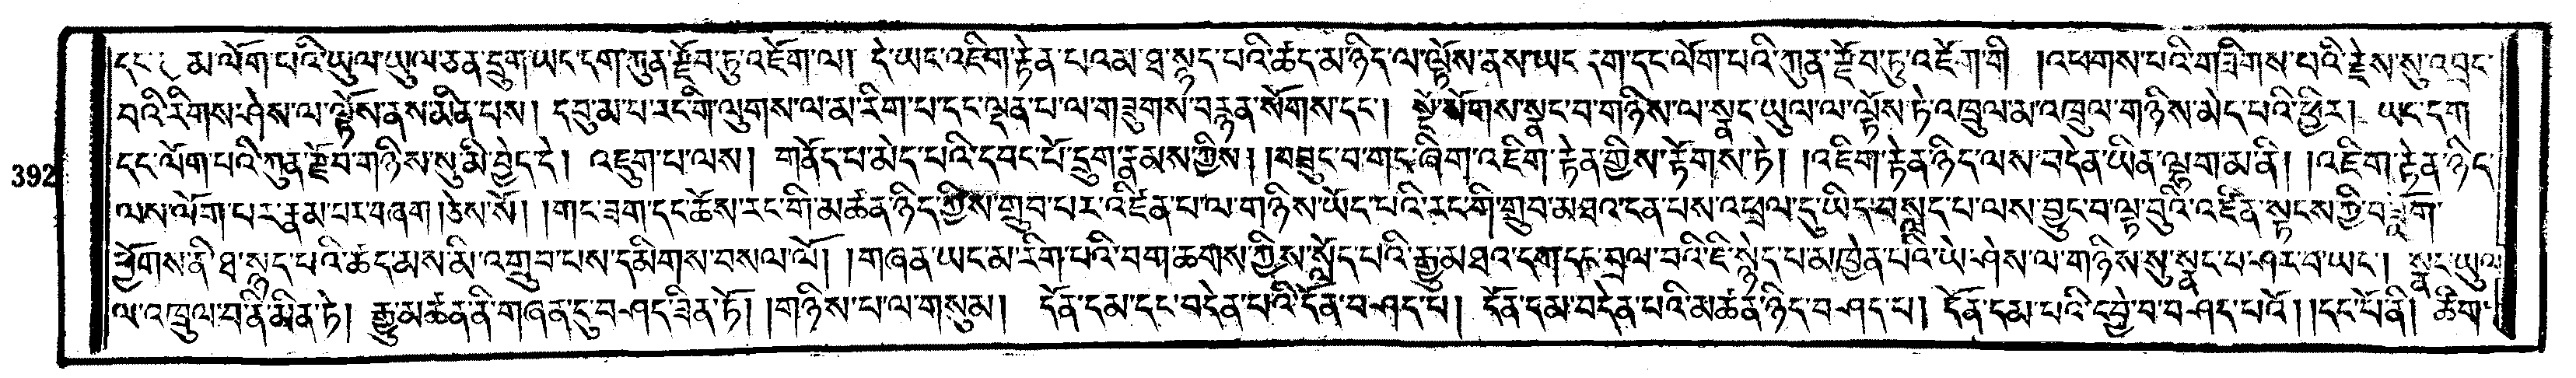དང༑ མ་ལོག་པའི་ཡུལ་ཡུལ་ཅན་དྲུག་ཡང་དག་ཀུན་རྫོབ་ཏུ་འཇོག་ལ། དེ་ཡང་འཇིག་རྟེན་པའམ་ཐ་སྙད་པའི་ཚད་མ་ཉིད་ལ་ལྟོས་ནས་ཡང་དག་དང་ལོག་པའི་ཀུན་རྫོབ་ཏུ་འཇོག་གི །འཕགས་པའི་གཟིགས་པའི་རྗེས་སུ་འབྲང་
བའི་རིགས་ཤེས་ལ་ལྟོས་ནས་མིན་པས། དབུ་མ་པ་རང་གི་ལུགས་ལ་མ་རིག་པ་དང་ལྡན་པ་ལ་གཟུགས་བརྙན་སོགས་དང་། སྔོ་སོགས་སྣང་བ་གཉིས་ལ་སྣང་ཡུལ་ལ་ལྟོས་ཏེ་འཁྲུལ་མ་འཁྲུལ་གཉིས་མེད་པའི་ཕྱིར། ཡང་དག་
དང་ལོག་པའི་ཀུན་རྫོབ་གཉིས་སུ་མི་བྱེད་དེ། འཇུག་པ་ལས། གནོད་པ་མེད་པའི་དབང་པོ་དྲུག་རྣམས་ཀྱིས། །བཟུང་བ་གང་ཞིག་འཇིག་རྟེན་གྱིས་རྟོགས་ཏེ། །འཇིག་རྟེན་ཉིད་ལས་བདེན་ཡིན་ལྷག་མ་ནི། །འཇིག་རྟེན་ཉིད་
ལས་ལོག་པར་རྣམ་པར་བཞག། །ཅེས་སོ། །གང་ཟག་དང་ཆོས་རང་གི་མཚན་ཉིད་ཀྱིས་གྲུབ་པར་འཛིན་པ་ལ་གཉིས་ཡོད་པའི་རང་གི་གྲུབ་མཐའ་ངན་པས་འཕྲལ་དུ་ཡིད་བསླད་པ་ལས་བྱུང་བ་ལྟ་བུའི་འཛིན་སྟངས་ཀྱི་བཟློག་
ཕྱོགས་ནི་ཐ་སྙད་པའི་ཚད་མས་མི་འགྲུབ་པས་དམིགས་བསལ་ལོ། །གཞན་ཡང་མ་རིག་པའི་བག་ཆགས་ཀྱིས་སློད་པའི་རྒྱུ་མཐའ་དག་དང་བྲལ་བའི་ཇི་སྙེད་པ་མཁྱེན་པའི་ཡེ་ཤེས་ལ་གཉིས་སུ་སྣང་བ་ཤར་བ་ཡང་། སྣང་ཡུལ་
ལ་འཁྲུལ་བ་ནི་མིན་ཏེ། རྒྱུ་མཚན་ནི་གཞན་དུ་བཤད་ཟིན་ཏོ། །གཉིས་པ་ལ་གསུམ། དོན་དམ་དང་བདེན་པའི་དོན་བཤད་པ། དོན་དམ་བདེན་པའི་མཚན་ཉིད་བཤད་པ། དོན་དམ་པའི་དབྱེ་བ་བཤད་པའོ། །དང་པོ་ནི། ཚིག་